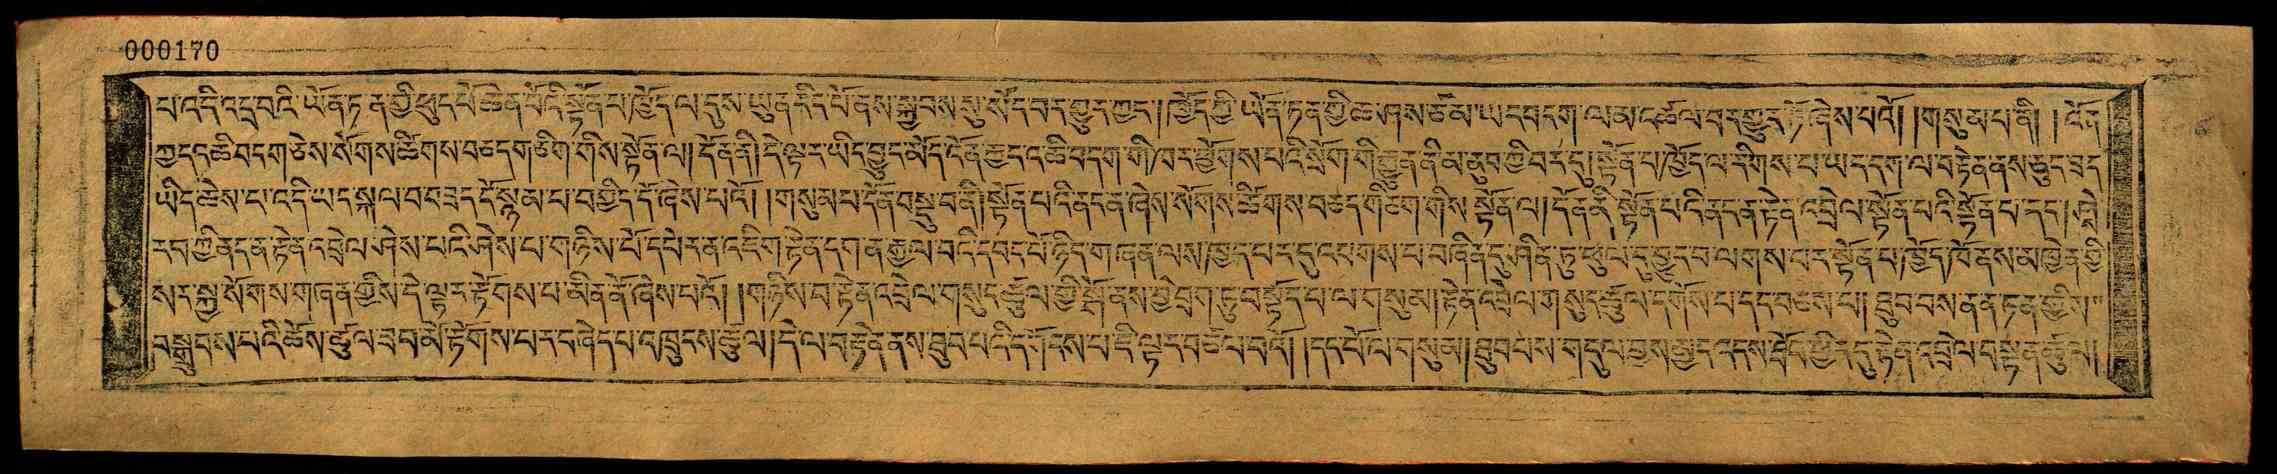པ་འདི་འདྲ་བའི་ཡོན་ཏན་གྱི་ཕུང་པོ་ཆེན་པོའི་སྟོན་པ་ཁྱོད་ལ་དུས་ཡུན་རིང་པོ་ནས་སྐྱབས་སུ་སོང་བར་གྱུར་ཀྱང་། ཁྱོད་ཀྱི་ཡོན་ཏན་གྱི་ཆ་ཤས་ཙམ་ཡང་བདག་ལ་མ་འཚལ་བར་གྱུར་ཏོ་ཞེས་པའོ། །གསུམ་པ་ནི། །འོ་ན་
ཀྱང་འཆི་བདག་ཅེས་སོགས་ཚིགས་བཅད་གཅིག་གིས་སྟོན་ལ། དོན་ནི། དེ་ལྟར་ཡིད་བྱུང་མོད་འོ་ན་ཀྱང་འཆི་བདག་གི་ཁར་ཕྱོགས་པའི་སྲོག་གི་རྒྱུན་ནི་མ་ནུབ་ཀྱི་བར་དུ། སྟོན་པ་ཁྱོད་ལ་རིགས་པ་ཡང་དག་ལ་བརྟེན་ནས་ཅུང་ཟད་
ཡིད་ཆེས་པ་འདི་ཡང་སྐལ་བ་བཟང་ངོ་སྙམ་པ་བགྱིད་དོ་ཞེས་པའོ། །གསུམ་པ་དོན་བསྡུ་བ་ནི། སྟོན་པའི་ནང་ན་ཞེས་སོགས་ཚིགས་བཅད་གཅིག་གིས་སྟོན་ལ། དོན་ནི། སྟོན་པའི་ནང་ན་རྟེན་འབྲེལ་སྟོན་པའི་སྟོན་པ་དང་། ཤེ་
རབ་ཀྱི་ནང་ན་རྟེན་འབྲེལ་ཤེས་པའི་ཤེས་པ་གཉིས་པོ་དཔེར་ན་འཇིག་རྟེན་དག་ན་རྒྱལ་བའི་དབང་པོ་ཉིད་གཞན་ལས་ཁྱད་པར་དུ་འཕགས་པ་བཞིན་དུ་ཤིན་ཏུ་ཕུལ་དུ་བྱུང་བ་ལགས་པར་སྟོན་པ་ཁྱོད་ཁོ་ནས་མཁྱེན་གྱི་
སེར་སྐྱ་སོགས་གཞན་གྱིས་དེ་ལྟར་རྟོགས་པ་མིན་ནོ་ཞེས་པའོ། །གཉིས་པ་རྟེན་འབྲེལ་གསུང་ཚུལ་གྱི་སྒོ་ནས་བྱེ་བྲག་ཏུ་བསྟོད་པ་ལ་གསུམ། རྟེན་འབྲེལ་གསུང་ཚུལ་དགོས་པ་དང་བཅས་པ། ཐུབ་པས་ནན་ཏན་གྱིས་
བསྒྲུབས་པའི་ཆོས་ཚུལ་ཟབ་མོ་རྟོགས་པར་བཞེད་པ་འཁྲུངས་ཚུལ། དེ་ལ་བརྟེན་ནས་ཐུབ་པའི་དགོངས་པ་ཇི་ལྟར་བཙལ་བའོ། །དང་པོ་ལ་གསུམ། ཐུབ་པས་གདུལ་བྱས་མྱང་འདས་ཐོབ་ཕྱིར་དུ་རྟེན་འབྲེལ་བསྟེན་ཚུལ།